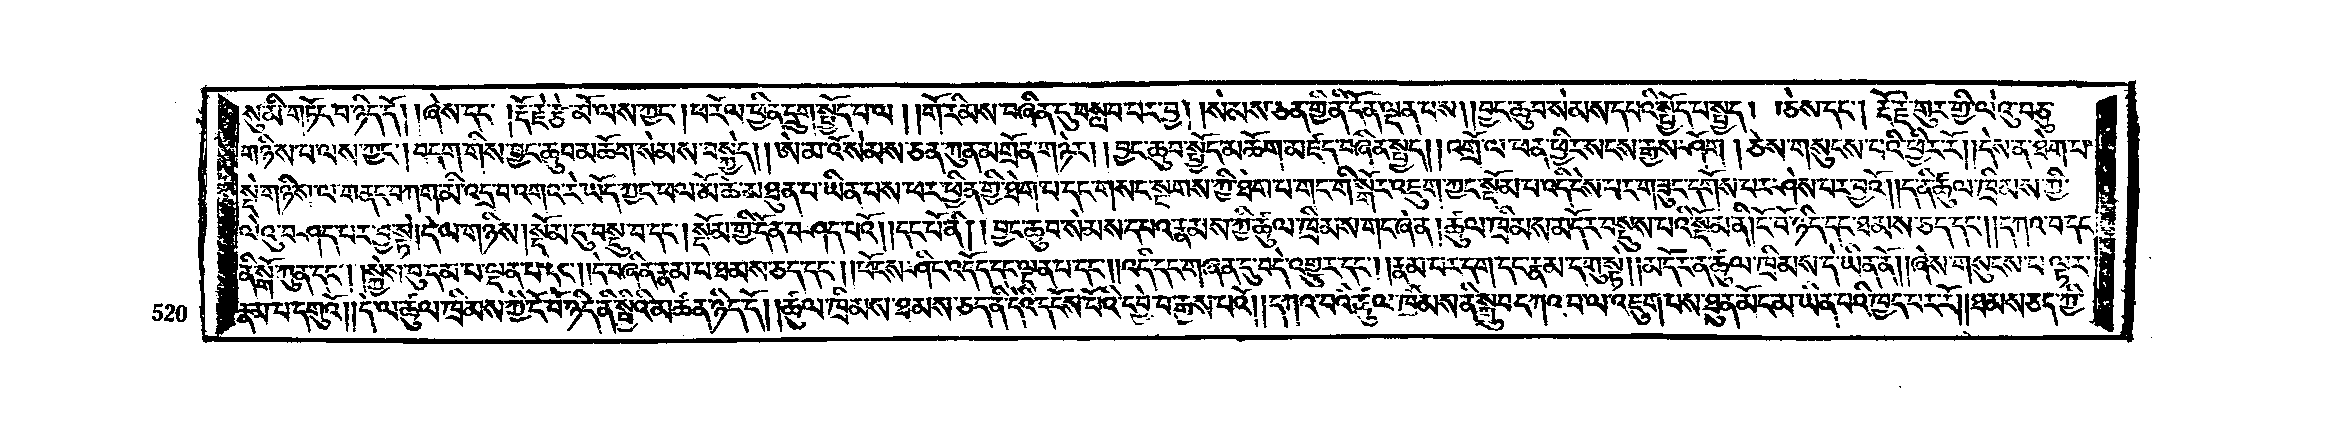སུ་མི་གཏོང་བ་ཉིད་དོ། །ཞེས་དང་། རྡོ་རྗེ་རྩེ་མོ་ལས་ཀྱང་། ཕ་རོལ་ཕྱིན་དྲུག་སྤྱོད་པ་ལ། །གོ་རིམས་བཞིན་དུ་བསླབ་པར་བྱ། །སེམས་ཅན་གྱི་ནི་དོན་ལྡན་པས། །བྱང་ཆུབ་སེམས་དཔའི་སྤྱོད་པ་སྤྱད། །ཅེས་དང་། རྡོ་རྗེ་གུར་གྱི་ལེའུ་བཅུ་
གཉིས་པ་ལས་ཀྱང་། བདག་གིས་བྱང་ཆུབ་མཆོག་སེམས་བསྐྱེད། །ཨེ་མ་འོ་སེམས་ཅན་ཀུན་མགྲོན་གཉེར། །བྱང་ཆུབ་སྤྱོད་མཆོག་མཛད་བཞིན་སྤྱད། །འགྲོ་ལ་ཕན་ཕྱིར་སངས་རྒྱས་ཤོག །ཅེས་གསུངས་པའི་ཕྱིར་རོ། །དེས་ན་ཐེག་པ་
སྡེ་གཉིས་ལ་གནད་བཀག་མི་འདྲ་བ་འགའ་རེ་ཡོད་ཀྱང་ཕལ་མོ་ཆེ་མཐུན་པ་ཡིན་པས་ཕར་ཕྱིན་གྱི་ཐེག་པ་དང་གསང་སྔགས་ཀྱི་ཐེག་པ་གང་གི་སྒོར་འཇུག་ཀྱང་སྡོམ་པ་འདི་ངེས་པར་གཟུང་དགོས་པར་ཤེས་པར་བྱའོ། །ད་ནི་ཚུལ་ཁྲིམས་ཀྱི་
ལེའུ་བཤད་པར་བྱ་སྟེ། དེ་ལ་གཉིས། སྡོམ་དུ་བསྡུ་བ་དང་། སྡོམ་གྱི་དོན་བཤད་པའོ། །དང་པོ་ནི། །བྱང་ཆུབ་སེམས་དཔའ་རྣམས་ཀྱི་ཚུལ་ཁྲིམས་གང་ཞེ་ན། ཚུལ་ཁྲིམས་མདོར་བསྡུས་པའི་སྡོམ་ནི། ངོ་བོ་ཉིད་དང་ཐམས་ཅད་དང་། །དཀའ་བ་དང་
ནི་སྒོ་ཀུན་དང་། །སྐྱེས་བུ་དམ་པ་ལྡན་པ་དང་། །དེ་བཞིན་རྣམ་པ་ཐམས་ཅད་དང་། །ཕོངས་ཤིང་འདོད་དང་ལྡན་པ་དང་། །འདི་དང་གཞན་དུ་བདེ་འགྱུར་དང་། །རྣམ་པར་དག་དང་རྣམ་དགུ་སྟེ། །མདོར་ན་ཚུལ་ཁྲིམས་དེ་ཡིན་ནོ། །ཞེས་གསུངས་པ་ལྟར་
རྣམ་པ་དགུའོ། །དེ་ལ་ཚུལ་ཁྲིམས་ཀྱི་ངོ་བོ་ཉིད་ནི་སྤྱིའི་མཚན་ཉིད་དོ། །ཚུལ་ཁྲིམས་ཐམས་ཅད་ནི་དེའི་དངོས་པོའི་དབྱེ་བ་རྒྱས་པའོ། །དཀའ་བའི་ཚུལ་ཁྲིམས་ནི་སྒྲུབ་དཀའ་བ་ལ་འཇུག་པས་ཐུན་མོང་མ་ཡིན་པའི་ཁྱད་པར་རོ། །ཐམས་ཅད་ཀྱི་